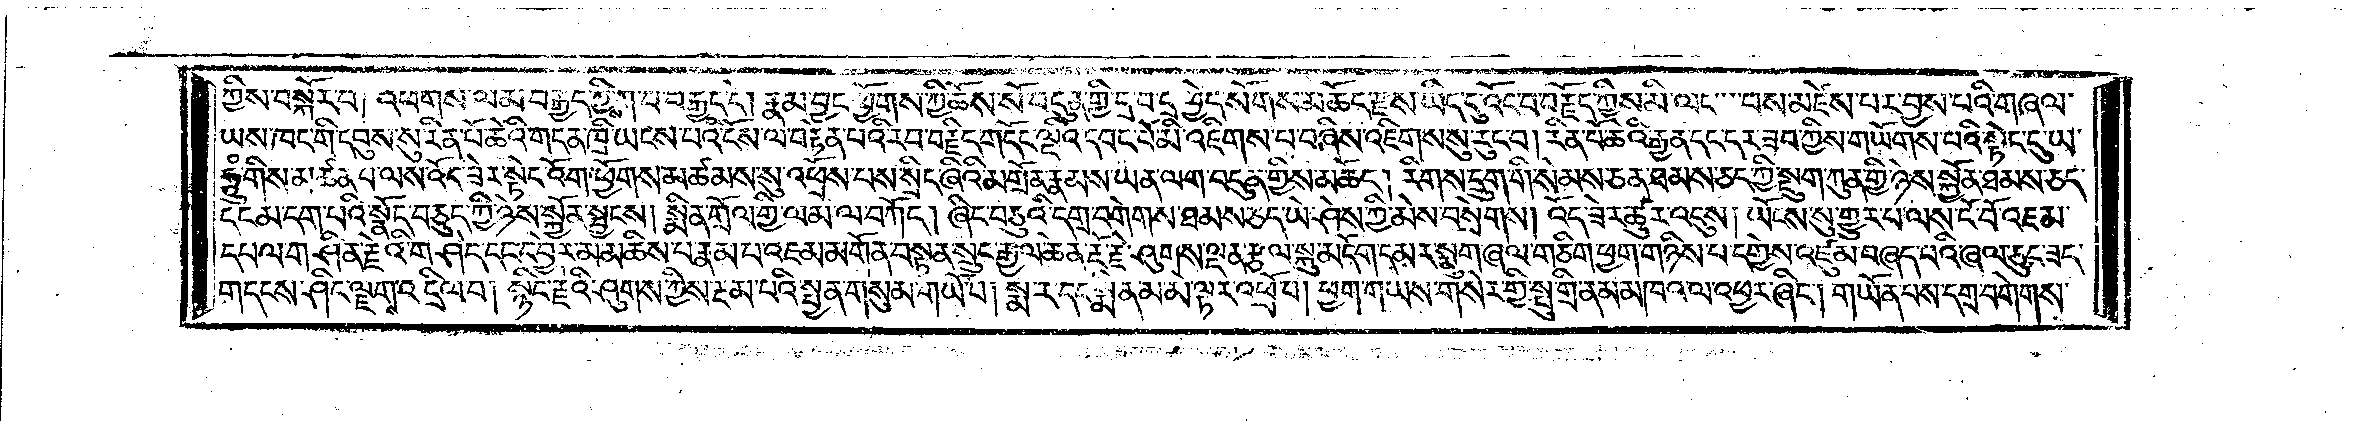ཀྱིས་བསྐོར་བ། འཕགས་ལམ་བརྒྱད་ཀྱིས་ག་བ་བརྒྱན་དེ། རྣམ་བྱང་ཕྱོགས་ཀྱི་ཆོས་སོ་བདུན་གྱི་དྲ་བ་དྲ་ཕྱེད་སོགས་མཆོད་རྫས་ཡིད་དུ་འོང་བ་བརྗོད་ཀྱིས་མི་ལང་བས་མཛེས་པར་བྱས་པའི་གཞལ་
ཡས་ཁང་གི་དབུས་སུ་རིན་པོ་ཆེའི་གདན་ཁྲི་ཡངས་པའི་ངོས་ལ་བརྟེན་པའི་རབ་བརྗིད་གདོང་ལྔའི་དབང་པོ་མི་འཇིགས་པ་བཞིས་འཇིགས་སུ་རུང་བར། རིན་པོ་ཆེའི་རྒྱན་དང་དར་ཟབ་ཀྱིས་གཡོགས་པའི་སྟེང་དུ་ཡ་
ཧཱུཾ་གིས་མཚན་པ་ལས་འོད་ཟེར་སྟེང་འོག་ཕྱོགས་པ་མཚམས་སུ་འཕྲོས་པས་སྲིད་གཞིའི་མགྲོན་རྣམས་ཡན་ལག་བདུན་གྱིས་མཆོད། རིགས་དྲུག་གི་སེམས་ཅན་ཐམས་ཅད་ཀྱི་སྡུག་ཀུན་གྱི་ཉེས་སྐྱོན་ཐམས་ཅད་
དང་མ་དག་པའི་སྣོད་བཅུད་ཀྱི་ཉེས་སྐྱོན་སྦྱངས། སྨིན་གྲོལ་གྱི་ལམ་ལ་བཀོད། ཞིང་བཅུའི་དགྲ་བགེགས་ཐམས་ཅད་ཡེ་ཤེས་ཀྱི་མེས་བསྲེགས། འོད་ཟེར་ཚུར་འདུས། ཡོངས་སུ་གྱུར་པ་ལས་ངོ་བོ་འཇམ་
དཔལ་གཤིན་རྗེའི་གཤེད་དང་དབྱེར་མ་མཆིས་པ་རྣམ་པ་འཇམ་མགོན་བསྟན་སྲུང་རྒྱལ་ཆེན་རྡོ་རྗེ་ཤུགས་ལྡན་རྩལ་སྐུ་མདོག་དམར་སྨུག་ཞལ་གཅིག་ཕྱག་གཉིས་པ་དགྱེས་འཛུམ་བཞད་པའི་ཞལ་ཅུང་ཟད་
གདངས་ཤིང་ལྗགས་འདྲིལ་བ། སྙིང་རྗེའི་ཤུགས་ཀྱིས་རྔམ་པའི་སྤྱན་གསུམ་གཡོ་བ། སྨ་ར་དང་སྨིན་མ་མེ་ལྟར་འཕྲོ་བ། ཕྱག་གཡས་གསེར་གྱི་སྤུ་གྲི་ནམ་མཁའ་ལ་འཕྱར་ཞིང་། གཡོན་པས་དགྲ་བགེག་